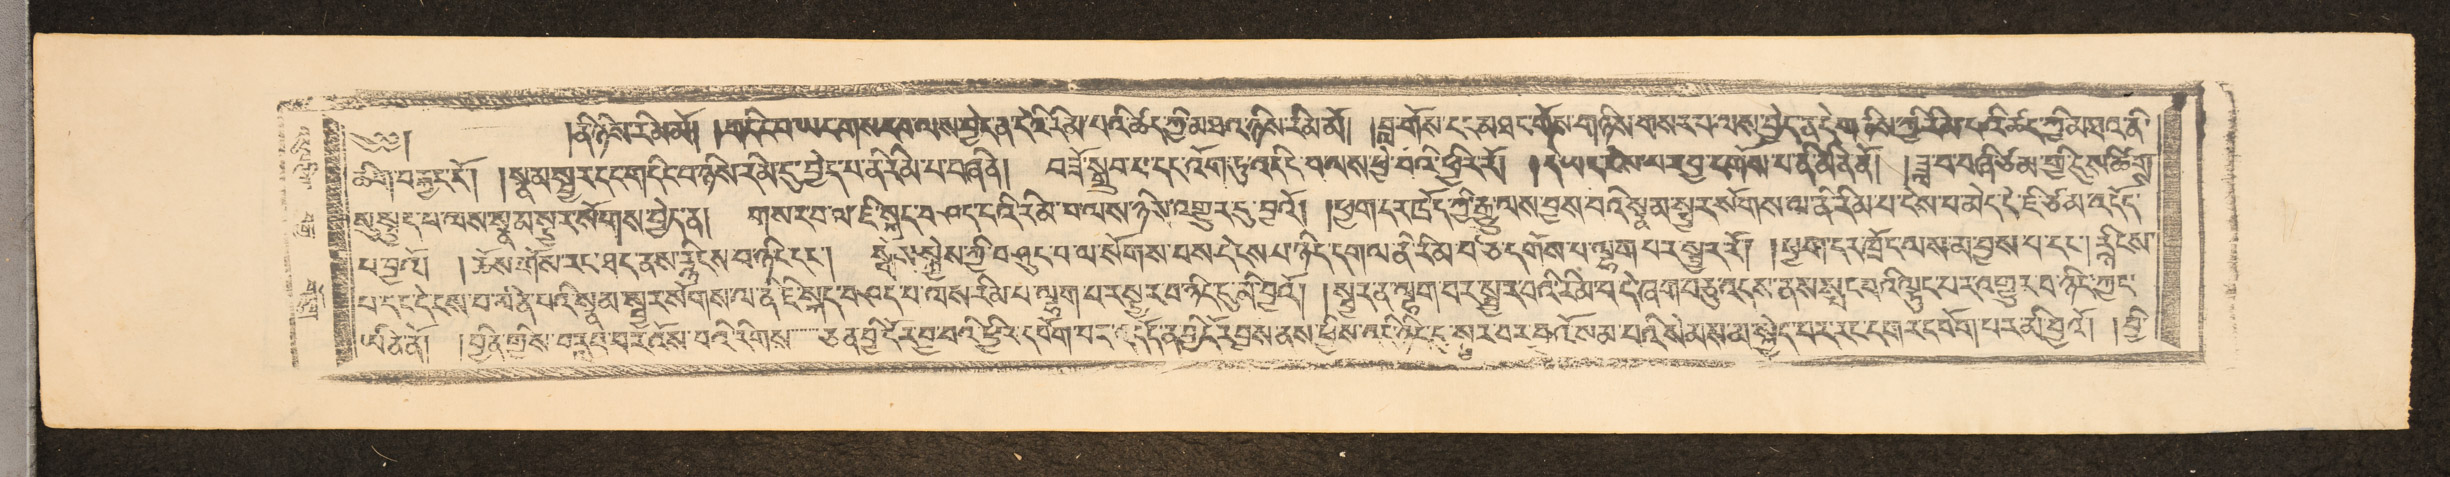༄༅། །ནི་ཉིས་རིམ་མོ། །གདིང་བ་ཡང་གསར་བ་ལས་བྱེད་ན་དེའི་རིམ་པའི་ཚད་ཀྱི་མཐའ་ཉིས་རིམ་མོ། །བླ་གོས་དང་མཐང་གོས་གཉིས་གསར་བ་ལས་བྱེད་ན་དེ་གཉིས་ཀྱི་རིམ་པའི་ཚད་ཀྱི་མཐའ་མི་
ཚག་བརྐྱང་ངོ། །སྣམ་སྦྱར་དང་གདིང་བ་ཉིས་རིམ་དུ་བྱེད་པ་ནི་རིམ་པ་བཞིན། བཟོ་སྒྲུབ་པ་དང་འོག་ཏུ་འདིང་བ་ལས་ཕྱེ་བའི་ཕྱིར་རོ། །དེ་ཡང་ངེས་པར་བྱ་དགོས་པ་ནི་མིན་ནོ། །ཟླ་བ་བཞི་ཙམ་གྱི་དུས་ཚིགས་
སུ་སྤྱད་པ་ལས་སྣམ་སྦྱར་སོགས་བྱེད་ན། གསར་པ་ལ་ཇི་སྐད་བཤད་པའི་རིམ་པ་ལས་ཉིས་འགྱུར་དུ་བྱའོ། །ཕྱག་དར་ཁྲོད་ཀྱི་རྒྱུ་ལས་བྱས་པའི་སྣམ་སྦྱར་སོགས་ལ་ནི་རིམ་པ་ངེས་པ་མེད་དེ་ཇི་ཙམ་འདོད་
པ་བྱའོ། །ཆོས་གོས་རང་ཟད་ནས་རྙིངས་པ་ཉིད་དང་། སྒོས་སྐྱེས་ཀྱི་བཤུད་པ་ལ་སོགས་པས་དེངས་པ་ཉིད་དག་ལ་ནི་རིམ་པ་ཅི་དགོས་པ་ལྷག་པར་སྦྱར་རོ། །ཕྱག་དར་ཁྲོད་ལས་མ་བྱས་པ་དང་། རྙིངས་
པ་དང་དེངས་པ་མིན་པའི་སྣམ་སྦྱར་སོགས་ལ་ནི་ཇི་སྐད་བཤད་པ་ལས་རིམ་པ་ལྷག་པར་སྦྱར་བ་ཉིད་དུ་མི་བྱའོ། །སྦྱར་ན་ལྷག་པར་སྦྱར་བའི་རིམ་པ་དེ་ཞག་བཅུ་འདས་ནས་སྤང་པའི་ལྟུང་བར་འགྱུར་བ་ཉིད་ཀྱང་
ཡིན་ནོ། །བྱིན་གྱིས་བརླབ་པར་འོས་པའི་རིགས་ཅན་བྱི་དོར་བྱ་བའི་ཕྱིར་དཔོག་པར་འདོད་ན་བྱི་དོར་བྱས་ནས་ཕྱིས་འདི་ཉིད་དུ་སྦྱར་བར་བྱའོ་སྙམ་པའི་སེམས་མ་སྐྱེད་པར་རང་དགར་དཔོག་པར་མི་བྱའོ། །བྱི་